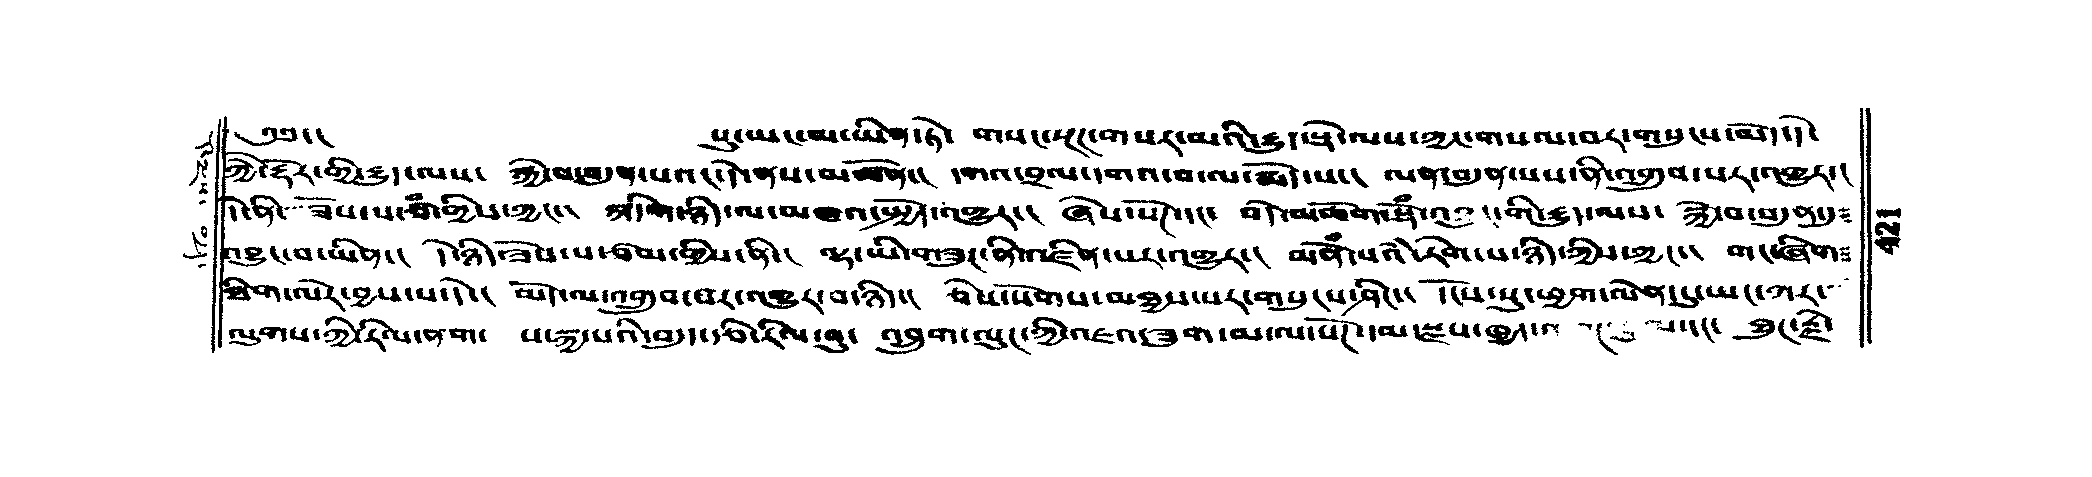པུ་ཡང་མ་ཡིན་ཏེ། གསང་སྔགས་གསར་མའི་རྒྱུད་སྡེ་ལས་ཀྱང་གསལ་བར་གསུངས་མོད་དེ། 
ཀྱཻ་རྡོར་གྱི་རྒྱུད་ལས། སྐྱེ་བ་བདུན་པའང་དེ་ནས་མཚོན། །དགའ་བྲལ་དགའ་བ་ལ་སྨོད་པ། །ལན་བདུན་པས་ནི་འགྲུབ་པར་འགྱུར། །
དེ་ནི་ཟོས་པ་ཙམ་གྱིས་ཀྱང་། །སྐད་ཅིག་ཉིད་ལ་མཁའ་སྤྱོད་འགྱུར། ཞེས་སོགས་དང་། བདེ་མཆོག་སྡོམ་འབྱུང་གི་རྒྱུད་ལས། སྐྱེ་བ་བདུན་དུ་
འབྱུང་བ་ཡིན། །དེ་ཉིད་ཟོས་པ་ཙམ་གྱིས་ནི། །ལྷ་ཡི་གཟུགས་ནི་འཛིན་པར་འགྱུར། །མནོམ་པའམ་རེག་པ་ཉིད་ཀྱིས་ཀྱང་། །གང་ཞིག་
ཐིག་ལེར་བྱས་པ་དེ། །མོད་ལ་འགྲུབ་པར་འགྱུར་བ་ཉིད། །ཅེས་སོགས་མཐའ་ཡས་པར་གསུངས་ཤིང་།དངོས་སུ་ཕྱག་ལེན་དུ་ཡང་དཀར་
ལུགས་ཀྱི་རིལ་ནག ས་སྐྱ་པའི་བདུད་རྩི་རིལ་བུ། འབྲུག་ལུགས་ཀྱི་འཇའ་ཟུག་མ་ལ་སོགས་དམ་རྫས་ཁྱད་འཕགས་དང་། ཐུགས་རྗེ་